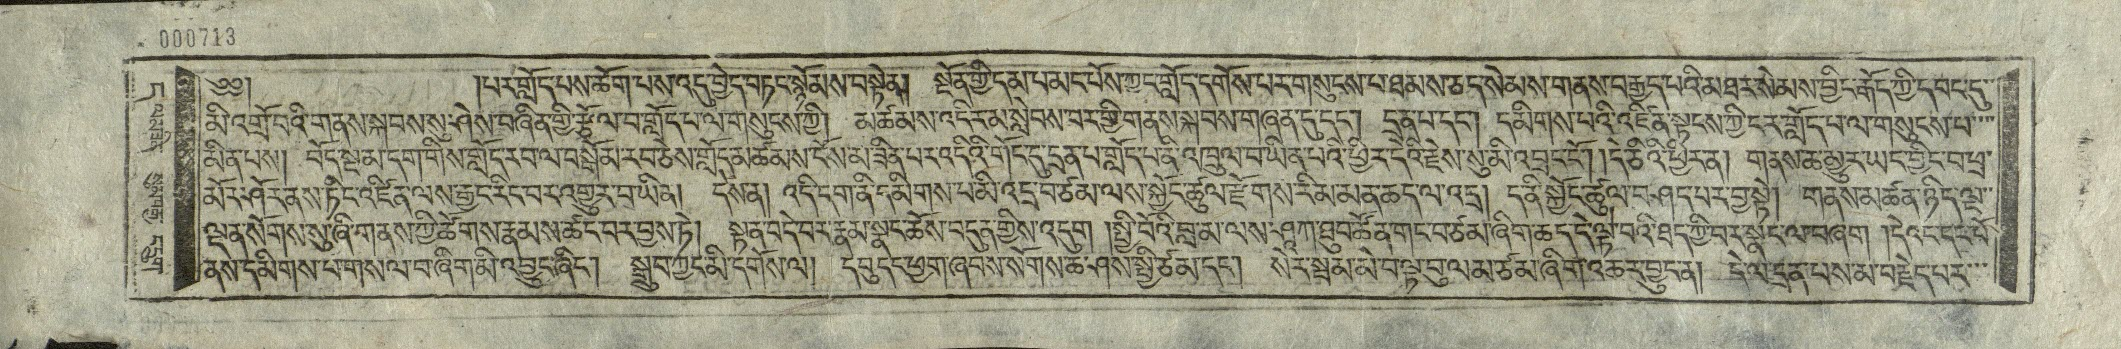༄༅། །པར་གློད་པས་ཆོག་པས་འདུ་བྱེད་བཏང་སྙོམས་བསྟེན། སྔོན་གྱི་དམ་པ་མང་པོས་ཀྱང་གློད་དགོས་པར་གསུངས་པ་ཐམས་ཅད་སེམས་གནས་བརྒྱད་པའི་མཐར་སེམས་བྱིང་རྒོད་ཀྱི་དབང་དུ་
མི་འགྲོ་བའི་གནས་སྐབས་སུ་ཤེས་བཞིན་གྱི་རྩོལ་བ་གློད་པ་ལ་གསུངས་ཀྱི། མཚམས་འདིར་མ་སླེབས་བར་གྱི་གནས་སྐབས་གཞན་དུ་དང་། དྲན་པ་དང་། དམིགས་པའི་འཛིན་སྟངས་ཀྱི་ངར་གློད་པ་ལ་གསུངས་པ་
མིན་པས། བོད་སྔ་མ་དག་གིས་གློད་རབ་ལ་བསྒོམ་རབ་ཅེས་གློད་མཚམས་ངོས་མ་ཟིན་པར་འདིའི་གོང་དུ་དྲན་པ་གློད་པ་ནི་འཁྲུལ་བ་ཡིན་པའི་ཕྱིར་དེའི་རྗེས་སུ་མི་འབྲང་ངོ། །དེ་ཅིའི་ཕྱིར་ན། གནས་ཆ་མྱུར་ཡང་བྱིང་བ་ཕྲ་
མོར་ཤོར་ནས་ཏིང་འཛིན་ལས་རྒྱང་རིང་བར་འགྱུར་བ་ཡིན། དེས་ན། འདི་དག་ནི་དམིགས་པ་མི་འདྲ་བ་ཙམ་ལས་སྐྱོང་ཚུལ་རྫོགས་རིམ་མན་ཆད་ལ་འདྲ། ད་ནི་སྐྱོང་ཚུལ་བཤད་པར་བྱ་སྟེ། གནས་མཚན་ཉིད་ལྔ་
ལྡན་སོགས་སུ་ཞི་གནས་ཀྱི་ཚོགས་རྣམས་ཚང་བར་བྱས་ཏེ། སྟན་བདེ་བར་རྣམ་སྣང་ཆོས་བདུན་གྱིས་འདུག །སྤྱི་བོའི་བླ་མ་ལས་ཤཱཀ་ཐུབ་ཚོན་གང་བ་ཙམ་ཞིག་ཆད་དེ་ལྟེ་བའི་ཐད་ཀྱི་བར་སྣང་ལ་བཞག །དེའང་དང་པོ་
ནས་དམིགས་པ་གསལ་བ་ཞིག་མི་འབྱུང་ཞིང་། སྒྲུབ་ཀྱང་མི་དགོས་ལ། དབུ་དང་ཕྱག་ཞབས་སོགས་ཆ་ཤས་སྤྱི་ཙམ་དང་། སེར་སྦམ་མེ་བ་ལྟ་བུ་ལམ་ཙམ་ཞིག་འཆར་བྱུང་ན། དེ་ལ་དྲན་པས་མ་བརྗེད་པར་